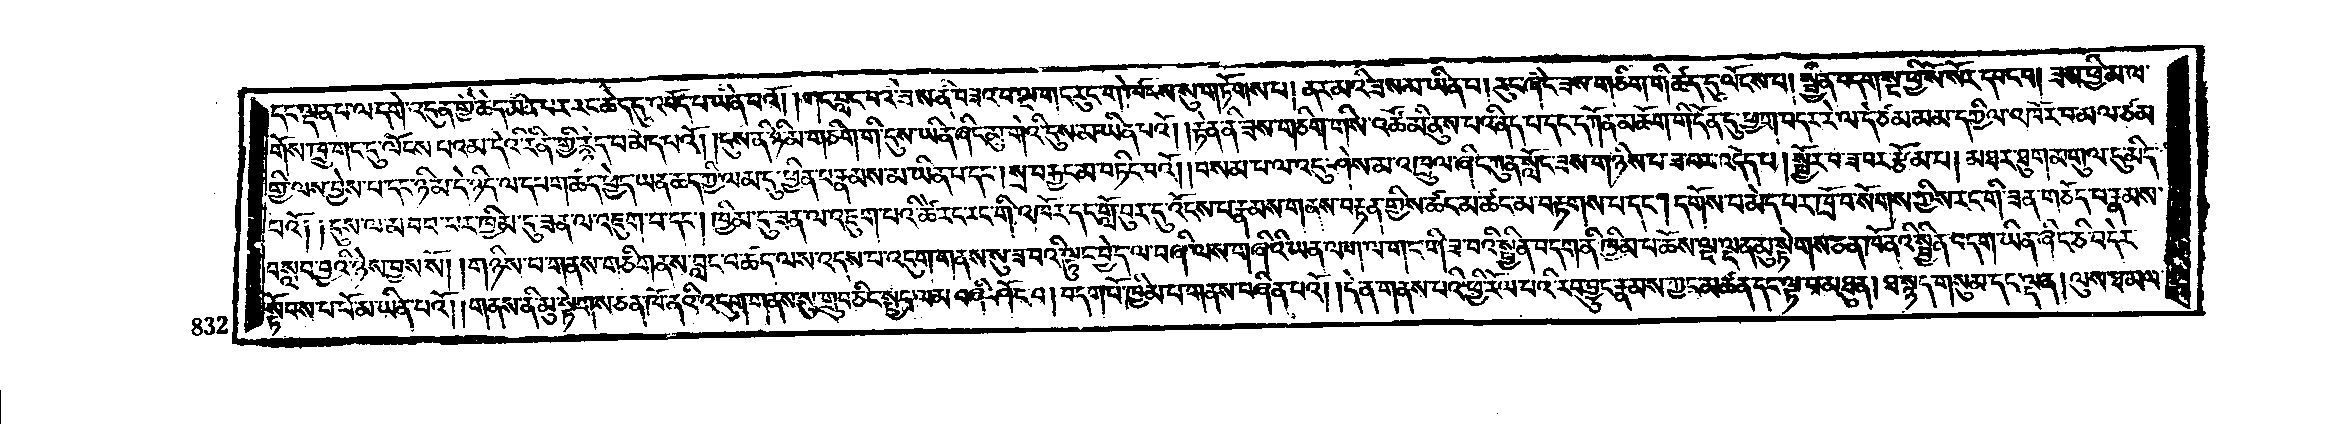དང་ལྡན་པ་ལ་དགེ་འདུན་གྱི་ཆེད་མིན་པར་རང་ཆེད་དུ་འབོད་པ་ཡིན་པའོ། །གང་བླང་བའི་ཟས་ནི་བཟའ་བ་ལྔ་གང་རུང་གེ་ཁོངས་སུ་གཏོགས་པ། ནར་མའི་ཟས་མ་ཡིན་པ། རུང་ཞིང་ཟས་གཅིག་གི་ཚད་དུ་ལོངས་པ། སྦྱིན་བདག་སྔ་ཕྱི་སོ་སོར་དབང་བ། ཟས་ཕྱི་མ་ལ་
གོས་ཁྲུ་གང་དུ་ལོངས་པའམ་དེའི་རིན་གྱི་རྙེད་པ་མེད་པའོ། །དུས་ནི་ཉི་མ་གཅིག་གི་དུས་ཡིན་ཞིང་མུ་གེའི་དུས་མ་ཡིན་པའོ། །རྟེན་ནི་ཟས་གཅིག་གིས་འཚོ་མི་ནུས་པའི་ནད་པ་དང་དཀོན་མཆོག་གི་དོན་དུ་ཕྱག་བདར་རེ་ལ་དེ་ཙམ་མམ་དཀྱིལ་འཁོར་བ་མལ་ཙམ་
གྱི་ལས་བྱེས་པ་དང་ཉི་མ་དེ་ཉིད་ལ་དཔག་ཚད་ཕྱེད་ཡན་ཆད་ཀྱི་ལམ་དུ་ཕྱིན་པ་རྣམས་མ་ཡིན་པ་དང་། སྲ་བརྐྱང་མ་བཏིང་བའོ། །བསམ་པ་ལ་འདུ་ཤེས་མ་འཁྲུལ་ཞིང་ཀུན་སློང་ཟས་གཉིས་པ་ཟ་བར་འདོད་པ། སྦྱོར་བ་ཟ་བར་རྩོམ་པ། མཐར་ཐུག་མགུལ་དུ་མིད་
པའོ༑ ༑དུས་ལ་མ་བབ་པར་ཁྱིམ་དུ་ཟན་ལ་འཇུག་པ་དང་། ཁྱིམ་དུ་ཟན་ལ་འཇུག་པའི་ཚེ་རང་རང་གི་འཁོར་དང་གློ་བུར་དུ་འོངས་པ་རྣམས་གནས་བརྟན་གྱིས་ཚང་མ་ཚང་མ་བརྟགས་པ་དང་། དགོས་པ་མེད་པར་ཁྲོ་བ་སོགས་ཀྱིས་རང་གི་ཟན་གཅོད་པ་རྣམས་
བསླབ་བྱའི་ཉེས་བྱས་སོ། །གཉིས་པ་གནས་གཅིག་ནས་བླང་བ་ཚད་ལས་འདས་པ་འདུག་གནས་སུ་ཟ་བའི་ལྟུང་བྱེད་ལ་བཞི་ལས་གཞིའི་ཡན་ལག་ལ་གང་གི་ཟ་བའི་སྦྱིན་བདག་ནི་ཁྱིམ་པ་ཆོས་ལྔ་ལྡན་མུ་སྟེགས་ཅན་ཁོ་ནའི་སྦྱིན་བདག་ཡིན་ཞིང་ཅི་བདེར་
སྟོབས་པ་པོ་མ་ཡིན་པའོ། །གནས་ནི་མུ་སྟེགས་ཅན་ཁོ་ནའི་འདུག་གནས་སུ་གྲུབ་ཅིང་སྤྱད་ལམ་བཞི་ཤོང་བ། བདག་པོ་ཁྱིམ་པ་གནས་བཞིན་པའོ། །དེ་ན་གནས་པའི་ཕྱི་རོལ་པའི་རབ་བྱུང་རྣམས་ཀྱང་མཚན་དང་ལྟ་བ་མཐུན། ཐ་སྙད་གསུམ་དང་ལྡན། ལུས་ཐ་མལ་